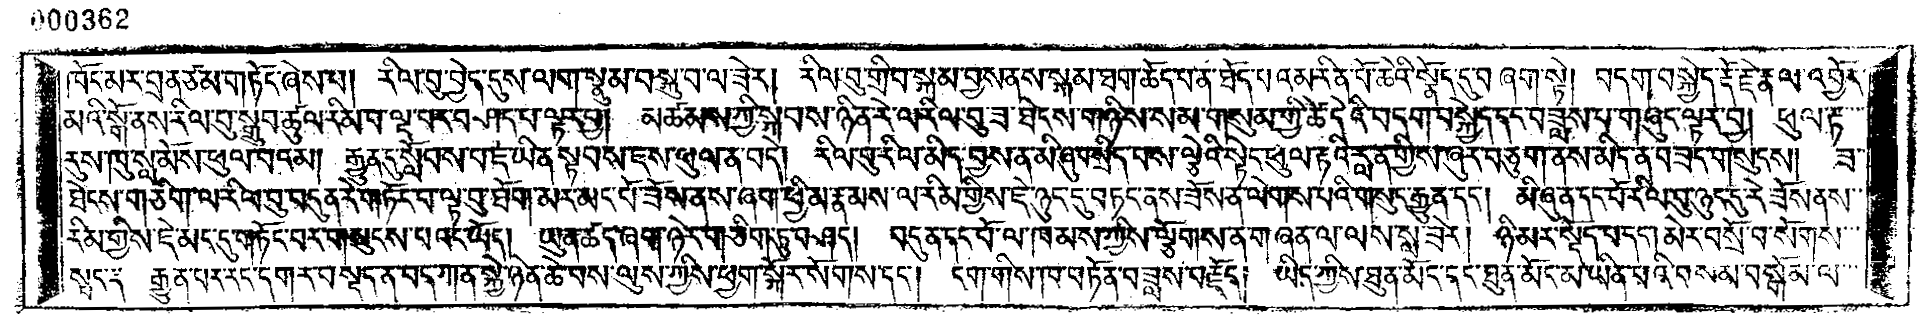ཁོང་མར་བྲན་ཙམ་གཏོང་ཞེས་པ། རིལ་བུ་བྱེད་དུས་ལག་སྣུམ་བསྐུ་བ་ལ་ཟེར། རིལ་བུ་གྲིབ་སྐམ་བྱས་ནས་སྐམ་ཐག་ཆོད་པ་ན་ཐོད་པའམ་རིན་པོ་ཆེའི་སྣོད་དུ་བཞག་སྟེ། བདག་བསྐྱེད་རྡོ་རྗེ་རྣལ་འབྱོར་
མའི་སྒོ་ནས་རིལ་བུ་སྒྲུབ་ཚུལ་རིམ་པ་ལྔ་པར་བཤད་པ་ལྟར་བྱ། མཚམས་ཀྱི་སྐབས་ཉིན་རེ་ལ་རིལ་བུ་ཟ་ཐེངས་གཉིས་སམ་གསུམ་གྱི་ཚེ་དེའི་བདག་བསྐྱེད་དང་བཟླས་པ་གཞུང་ལྟར་བྱ། ཕུལ་རྟ་
རུས་ཁུ་སླ་མོས་ཕུལ་བའམ། རྒྱུན་དུ་སློབས་པ་ཇ་ཡིན་སྟབས་ཇས་ཕུལ་ན་བདེ། རིལ་བུ་རིལ་མིད་བྱས་ན་མི་ཞུ་བ་སྲིད་པས་ལྕེའི་སྟེང་ཕུལ་རྟའི་རླན་གྱིས་ཞུར་བཅུག་ནས་མིད་ན་བཟང་གསུངས། ཟ་
ཐེངས་གཅིག་ལ་རིལ་བུ་བདུན་རེ་གཏོང་བ་ལྟ་བུ་ཐོག་མར་མང་པོ་ཟོས་ནས་ཞག་ཕྱི་མ་རྣམས་ལ་རིམ་གྱིས་ཇེ་ཉུང་དུ་བཏང་ནས་ཟོས་ན་ལེགས་པའི་གསུང་རྒྱུན་དང་། མི་ཞུ་ན་དང་པོ་རིལ་བུ་ཉུང་དུ་རེ་ཟོས་ནས་
རིམ་གྱིས་ཇེ་མང་དུ་གཏོང་པར་གསུངས་པའང་ཡོད། ཡུན་ཚད་ཞག་ཉེར་གཅིག་ཏུ་བཤད། བདུན་དང་པོ་ལ་ཁམས་ཀྱིས་ལྕོགས་ན་གཞན་ལ་ལས་སླ་ཟེར། ཉི་མར་སྡོད་པ་དང་། མེར་བསྲོ་བ་སོགས་
སྤང༑ རྒྱུན་པར་རང་དགར་བསྡད་ན་བད་ཀན་སྐྱེ་ཉེན་ཆེ་བས་ལུས་ཀྱིས་ཕྱག་སྐོར་སོགས་དང་། ངག་གིས་ཁ་བཏོན་བཟླས་བརྗོད། ཡིད་ཀྱིས་ཐུན་མོང་དང་ཐུན་མོང་མ་ཡིན་པའི་བསམ་བསྒོམ་ལ་